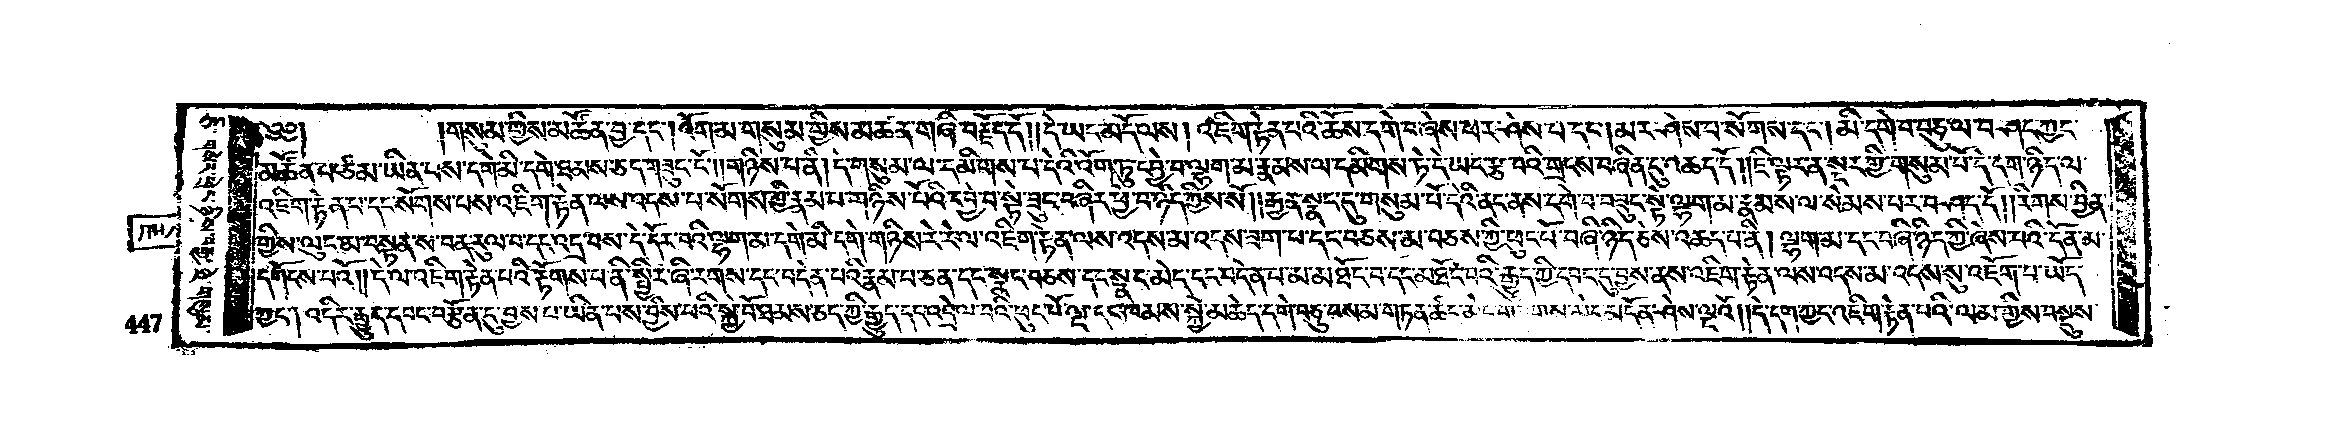༄༅། །གསུམ་གྱིས་མཚོན་བྱ་དང་། འོག་མ་གསུམ་གྱིས་མཚན་གཞི་བརྗོད་དོ། །དེ་ཡང་མདོ་ལས། འཇིག་རྟེན་པའི་ཆོས་དགེ་བ་ཞེས་ཕར་ཤེས་པ་དང་། མར་ཤེས་པ་སོགས་དང་། མི་དགེ་བ་བཅུ་ལ་བཤད་ཀྱང་
མཚོན་པ་ཙམ་ཡིན་པས་དགེ་མི་དགེ་ཐམས་ཅད་གཟུང་ངོ། །གཉིས་པ་ནི། དེ་གསུམ་ལ་དམིགས་པ་དེའི་འོག་ཏུ་དབྱེ་བ་ལྷག་མ་རྣམས་ལ་དམིགས་ཏེ་དེ་ཡང་རྩ་བའི་གྲངས་བཞིན་དུ་འཆད་དོ། །ཇི་ལྟར་ན་སྔར་གྱི་གསུམ་པོ་དེ་དག་ཉིད་ལ་
འཇིག་རྟེན་པ་དང་སོགས་པས་འཇིག་རྟེན་ལས་འདས་པ་སོགས་ཀྱི་རྣམ་པ་གཉིས་པོའི་དབྱེ་བ་སྟེ་ཟུང་བཞིར་ཕྱེ་བ་ཉིད་ཀྱིས་སོ། །རྒྱན་སྣང་དུ་གསུམ་པོ་དེའི་ནང་ནས་དགེ་བ་བཟུང་སྟེ་ལྷག་མ་རྣམས་ལ་སེམས་པར་བཤད་དོ། །རིགས་བྱིན་
གྱིས་ལུང་མ་བསྟན་ས་བོན་རུལ་བ་དང་འདྲ་བས་དེ་དོར་བའི་ལྷག་མ་དགེ་མི་དགེ་གཉིས་རེ་རེ་ལ་འཇིག་རྟེན་ལས་འདས་མ་འདས་ཟག་པ་དང་བཅས་མ་བཅས་ཀྱི་ཕུང་པོ་བཞི་ཉིད་ཅེས་འཆད་པ་ནི། ལྷག་མ་དང་བཞི་ཉིད་ཀྱི་ཞེས་པའི་དོན་མ་
དགོངས་པའོ། །དེ་ལ་འཇིག་རྟེན་པའི་རྟོགས་པ་ནི་སྤྱིར་ཞི་རགས་དང་བདེན་པའི་རྣམ་པ་ཅན་དང་སྣང་བཅས་དང་སྣང་མེད་དང་བདེན་པ་མ་མཐོང་བ་དང་མཐོང་བའི་རྒྱུད་ཀྱི་དབང་དུ་བྱས་ནས་འཇིག་རྟེན་ལས་འདས་མ་འདས་སུ་འཇོག་པ་ཡོད་
ཀྱང༑ འདིར་རྒྱུད་དབང་བརྩན་དུ་བྱས་པ་ཡིན་པས་བྱིས་པའི་སྐྱེ་བོ་ཐམས་ཅད་ཀྱི་རྒྱུད་དང་འབྲེལ་བའི་ཕུང་པོ་ལྔ་དང་ཁམས་སྐྱེ་མཆེད་དགེ་བཅུ་བསམ་གཏན་ཚད་མེད་གཟུགས་མེད་མངོན་ཤེས་ལྔའོ། །དེ་དག་ཀྱང་འཇིག་རྟེན་པའི་ལམ་གྱིས་བསྡུས་